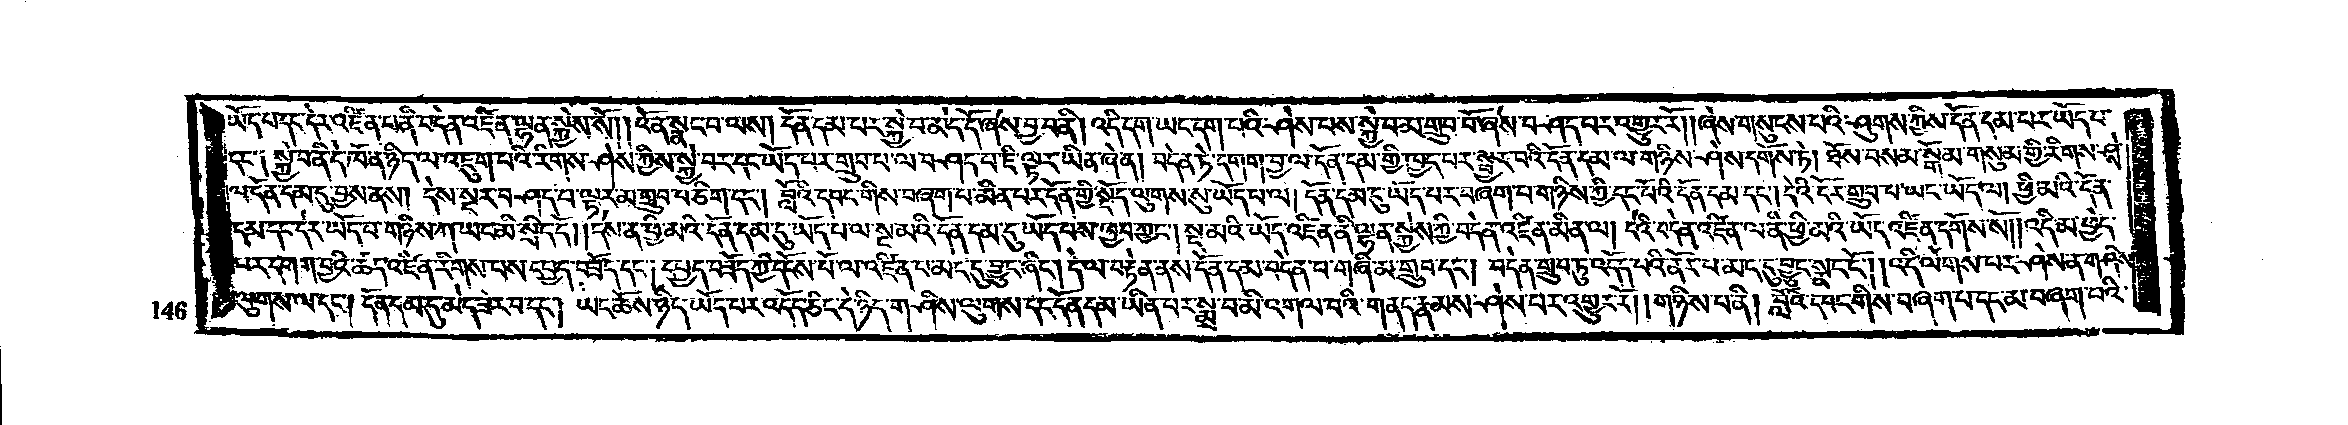ཡོད་པ་དང་དེར་འཛིན་པ་ནི་བདེན་འཛིན་ལྷན་སྐྱེས་སོ། །འོ་ན་སྣང་བ་ལས། དོན་དམ་པར་སྐྱེ་བ་མེད་དོ་ཞེས་བྱ་བ་ནི། འདི་དག་ཡང་དག་པའི་ཤེས་པས་སྐྱེ་བ་མ་གྲུབ་བོ་ཞེས་བཤད་པར་འགྱུར་རོ། །ཞེས་གསུངས་པའི་ཤུགས་ཀྱིས་དོན་དམ་པར་ཡོད་པ་
དང་། སྐྱེ་བ་ནི་དེ་ཁོ་ན་ཉིད་ལ་འཇུག་པའི་རིགས་ཤེས་ཀྱིས་སྐྱེ་བར་དང་ཡོད་པར་གྲུབ་པ་ལ་བཤད་པ་ཇི་ལྟར་ཡིན་ཞེ་ན། བདེན་ཏེ་དགག་བྱ་ལ་དོན་དམ་གྱི་ཁྱད་པར་སྦྱར་བའི་དོན་དམ་ལ་གཉིས་ཤེས་དགོས་ཏེ། ཐོས་བསམ་སྒོམ་གསུམ་གྱི་རིགས་ཤེས་
ལ་དོན་དམ་དུ་བྱས་ནས། དེས་སྔར་བཤད་པ་ལྟར་མ་གྲུབ་པ་གཅིག་དང་། བློའི་དབང་གིས་བཞག་པ་མིན་པར་དོན་གྱི་སྡོད་ལུགས་སུ་ཡོད་པ་ལ། དོན་དམ་དུ་ཡོད་པར་བཞག་པ་གཉིས་ཀྱི་དང་པོའི་དོན་དམ་དང་། དེའི་ངོར་གྲུབ་པ་ཡང་ཡོད་ལ། ཕྱི་མའི་དོན་
དམ་དང་དེར་ཡོད་པ་གཉིས་ཀ་ཡང་མི་སྲིད་དོ། །དེས་ན་ཕྱི་མའི་དོན་དམ་དུ་ཡོད་པ་ལ་སྔ་མའི་དོན་དམ་དུ་ཡོད་པས་ཁྱབ་ཀྱང་། སྔ་མའི་ཡོད་འཛིན་ནི་ལྷན་སྐྱེས་ཀྱི་བདེན་འཛིན་མིན་ལ། དེའི་བདེན་འཛིན་ལ་ནི་ཕྱི་མའི་ཡོད་འཛིན་དགོས་སོ། །འདི་མ་ཕྱེད་
པར་དགག་བྱའི་ཚད་འཛིན་རིགས་པས་དཔྱད་བཟོད་དང་། དཔྱད་བཟོད་ཀྱི་དངོས་པོ་ལ་འཛིན་པ་མང་དུ་བྱུང་ཞིང་། དེ་ལ་བརྟེན་ནས་དོན་དམ་བདེན་པ་གཞི་མ་གྲུབ་དང་། བདེན་གྲུབ་ཏུ་འདོད་པའི་ནོར་པ་མང་དུ་བྱུང་སྣང་ངོ། །འདི་ལེགས་པར་ཤེས་ན་གཤིས་
ལུགས་ལ་དང་། དོན་དམ་དུ་མེད་ཟེར་བ་དང་། ཡང་ཆོས་ཉིད་ཡོད་པར་འདོད་ཅིང་དེ་ཉིད་གཤིས་ལུགས་དང་དོན་དམ་ཡིན་པར་སྨྲ་བ་མི་འགལ་བའི་གནད་རྣམས་ཤེས་པར་འགྱུར་རོ། །གཉིས་པ་ནི། བློའི་དབང་གིས་བཞག་པ་དང་མ་བཞག་པའི་